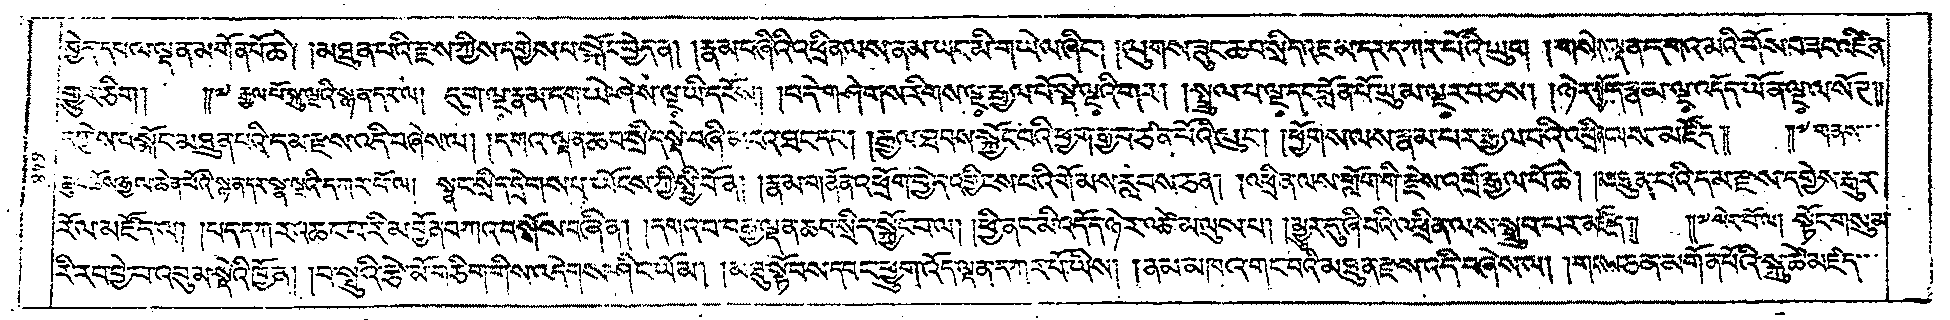བྱེད་དཔལ་ལྡན་མགོན་པོ་ཆེ། །མཐུན་པའི་རྫས་ཀྱིས་དགྱེས་པ་སྐོང་བྱེད་ན། །རྣམ་བཞིའི་འཕྲིན་ལས་ནམ་ཡང་མི་གཡེལ་ཞིང་། །ལུགས་ཟུང་ཆབ་སྲིད་འཇམ་དར་དཀར་པོའི་ཡུག །གསེར་ལྡན་དགའ་མའི་གོས་བཟང་འཛིན་
གྱུར་ཅིག ། །། ༧་རྒྱལ་པོ་སྐུ་ལྔའི་སྙན་དར་ལ།  དུག་ལྔ྾་རྣམ་དག་ཡེ་ཤེས་ལྔ྾་ཡི་དངོས། །བདེ་གཤེགས྾་རིགས་ལྔ྾་རྒྱལ་པོ་སྡེ་ལྔའི྾་གར། །སྤྲུལ་པ་ལྔ྾་དང་བློན་པོ་ཡུམ་ལྔར྾་བཅས། །ཉེར་སྤྱོད་རྣམ་ལྔ྾་འདོད་ཡོན་ལྔ྾་ལ་སོཊ།།
དགྱེས་བསྐོང་མཐུན་པའི་དམ་རྫས་འདི་བཞེས་ལ། །དགའ་ལྡན་ཆབ་སྲིད་སྡེ་བཞི་མངའ་ཐང་དང་། །རྒྱལ་ཐབས་སྐྱོང་བའི་ཕྱག་རྒྱ་བཙན་པོའི་ལུང་། །ཕྱོགས་ལས་རྣམ་པར་རྒྱལ་བའི་འཕྲིན་ལས་མཛོད།། །། ༧་གནས་
ཆུང་ཆོས་རྒྱལ་ཆེན་པོའི་སྙན་དར་སྣ་ལྔའི་དཀར་པོ་ལ། སྣང་སྲིད་དྲེགས་པ་ཡོངས་ཀྱི་སྤྱི་བོ་ན། །རྣམ་གནོན་འཕྲོག་བྱེད་འགྱིངས་པའི་གོམས་རླབས་ཅན། །འཕྲིན་ལས་གློག་གི་རྗེས་འགྲོ་རྒྱལ་པོ་ཆེ། །མཐུན་པའི་དམ་རྫས་དགྱེས་རྒུར་
རོལ་མཛོད་ལ། །པད་དཀར་འཆང་བ་རིམ་བྱོན་བཀའ་བསྒོས་བཞིན། །དགའ་བ་བརྒྱ་ལྡན་ཆབ་སྲིད་སྐྱོང་བ་ལ། །ཕྱི་ནང་མི་འདོད་ཉེར་འཚེ་མ་ལུས་པ། །མྱུར་དུ་ཞི་བའི་འཕྲིན་ལས་སྒྲུབ་པར་མཛོད།། །། ༧་སེར་པོ་ལ།  སྟོང་གསུམ་
རི་རབ་བྱེ་བ་འབུམ་སྡེའི་ཁྱོན། །བ་སྤུའི་རྩེ་མོ་གཅིག་གིས་འདེགས་ཤིང་ཡོམ། །མཐུ་སྟོབས་དབང་ཕྱུག་འོད་ལྡན་དཀར་པོ་ཡིས། །ནམ་མཁའ་གང་བའི་མཐུན་རྫས་འདི་བཞེས་ལ། །གངས་ཅན་མགོན་པོའི་སྐུ་ཚེ་མཛད་